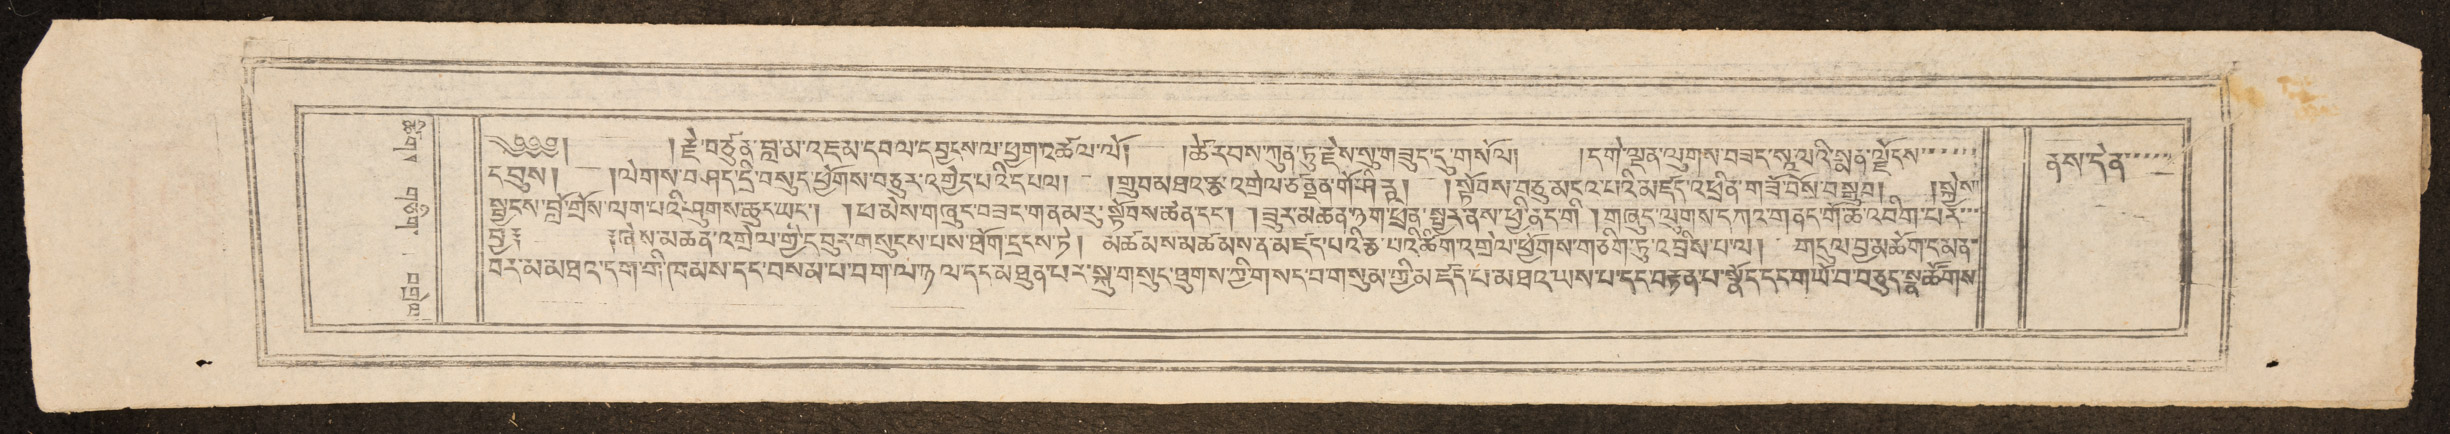༄༅༅། །རྗེ་བཙུན་བླ་མ་འཇམ་དཔལ་དབྱངས་ལ་ཕྱག་འཚལ་ལོ། །ཚེ་རབས་ཀུན་ཏུ་རྗེས་སུ་གཟུང་དུ་གསོལ། །དགེ་ལྡན་ལུགས་བཟང་སཱ་ལའི་སྨན་ལྗོངས་
དབུས། །ལེགས་བཤད་དྲི་བསུད་ཕྱོགས་བཅུར་འགྱེད་པའི་དཔལ། །གྲུབ་མཐའ་རྩ་འགྲེལ་ཙནྡན་གོ་ཤིརྵ། །སྟོབས་བཅུ་མངའ་པའི་མཇད་འཕྲིན་གཟོ་བོས་བསྒྲུབ། །སྐྱེས་
སྦྱངས་བློ་གྲོས་ལག་པའི་ཤུགས་ཆུང་ཡང་། །ཕ་མེས་གཞུང་བཟང་གནམ་རུ་སྟོབས་ཚན་དང་། །ཟུར་མཆན་ཉག་ཕྲེན་སྦྱར་ནས་ཕྱི་ནད་གི །གཞུང་ལུགས་དཀའ་གནད་གོ་ཆ་འབིག་པར་
བྱ༑ ༑ཞེས་མཆན་འགྲེལ་གྱི་དབུར་གསུངས་པས་ཐོག་དྲངས་ཏེ། མཚམས་མཚམས་ན་མཛད་པའི་རྩ་བའི་ཚིག་འགྲེལ་ཕྱོགས་གཅིག་ཏུ་བྲི་པ་ལ། གདུལ་བྱ་མཆོག་དམན་
བར་མ་མཐའ་དག་གི་ཁམས་དང་བསམ་པ་བག་ལ་ཉལ་དང་མཐུན་པར་སྐུ་གསུང་ཐུགས་ཀྱི་གསང་བ་གསུམ་གྱི་མཛད་པ་མཐའ་ཡས་པ་དང་བརྟན་པ་སྣོད་དང་གཡོ་བ་བཅུད་སྣ་ཚོགས་